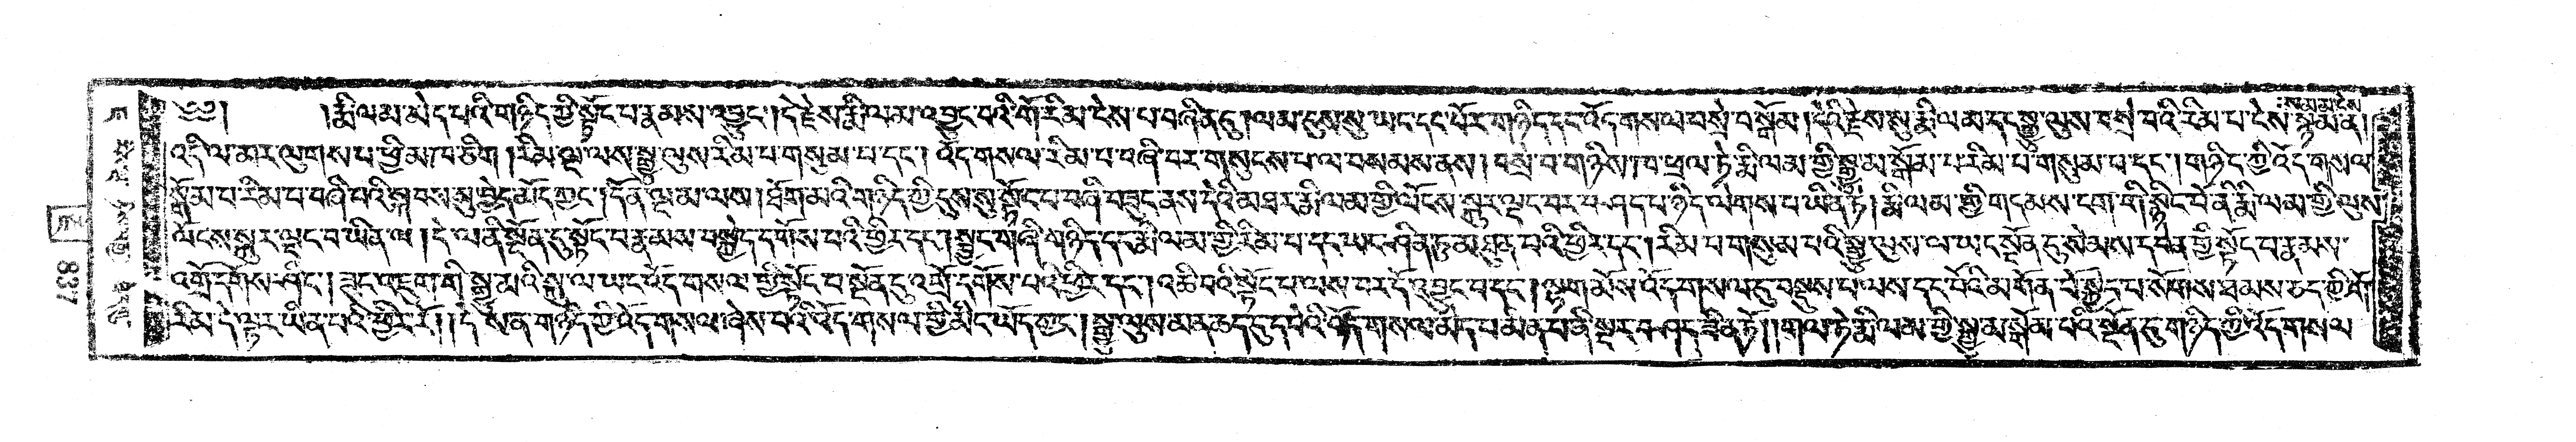༄༅། །རྨི་ལམ་མེད་པའི་གཉིད་ཀྱི་སྟོང་པ་རྣམས་འབྱུང་། དེ་རྗེས་རྨི་ལམ་འབྱུང་བའི་གོ་རིམ་ངེས་པ་བཞིན་དུ། ལམ་དུས་སུ་ཡང་དང་པོར་གཉིད་དང་འོད་གསལ་བསྲེ་བ་སྒོམ། དེའི་རྗེས་སུ་རྨི་ལམ་དང་སྒྱུ་ལུས་བསྲེ་བའི་རིམ་པ་ངེས་སྙམ་ན་མ་མ་ངེས་
འདི་ལ་མར་ལུགས་པ་ཕྱི་མ་ཁ་ཅིག །རིམ་ལྔ་ལས་སྒྱུ་ལུས་རིམ་པ་གསུམ་པ་དང་། འོད་གསལ་རིམ་པ་བཞི་བར་གསུངས་པ་ལ་བསམས་ནས། བསྲེ་བ་གཉིས་ཁ་ཕྲལ་ཏེ་རྨི་ལམ་གྱི་སྒྱུ་མ་སྒོམ་པ་རིམ་པ་གསུམ་པ་དང་། གཉིད་ཀྱི་འོད་གསལ་
སྒོམ་པ་རིམ་པ་བཞི་པའི་སྐབས་སུ་བྱེད་མོད་ཀྱང་། དོན་ལྔ་མ་ལས། ཐོག་མའི་གཉིད་ཀྱི་དུས་སུ་སྟོང་པ་བཞི་བཟུང་ནས་དེའི་མཐར་རྨི་ལམ་གྱི་ལོངས་སྐུར་ལྡང་བར་བཤད་པ་ཉིད་ལེགས་པ་ཡིན་ཏེ། རྨི་ལམ་གྱི་གདམས་ངག་གི་སྙིང་པོ་ནི་རྨི་ལམ་གྱི་ལུས་
ལོངས་སྐུར་ལྡང་བ་ཡིན་ལ། དེ་ལ་ནི་སྔོན་དུ་སྟོང་པ་རྣམས་བསྐྱེད་དགོས་པའི་ཕྱིར་དང་། སྦྱང་གཞི་གཉིད་དང་རྨི་ལམ་གྱི་རིམ་པ་དང་ཡང་ཤིན་ཏུ་མཐུན་པའི་ཕྱིར་དང་། རིམ་པ་གསུམ་པའི་སྒྱུ་ལུས་ལ་ཡང་སྔོན་དུ་སེམས་དབེན་གྱི་སྟོང་པ་རྣམས་
འགྲོ་དགོས་ཤིང་། ཟུང་འཇུག་གི་སྒྱུ་མའི་སྐུ་ལ་ཡང་འོད་གསལ་གྱི་སྟོང་པ་སྔོན་དུ་འགྲོ་དགོས་པའི་ཕྱིར་དང་། འཆི་བའི་སྟོང་པ་ལས་བར་དོ་འབྱུང་བ་དང་། ལྷག་མོས་འོད་གསལ་དུ་བསྡུས་པ་ལས་དང་པོའི་མགོན་པོ་སྐྱེད་པ་སོགས་ཐམས་ཅད་ཀྱི་གོ་
རིམ་དེ་ལྟར་ཡིན་པའི་ཕྱིར་རོ། །དེས་ན་གཉིད་ཀྱི་འོད་གསལ་ཞེས་པའི་འོད་གསལ་གྱི་མིང་ཡོད་ཀྱང་། སྒྱུ་ལུས་མན་ཆད་དུ་དཔེའི་འོད་གསལ་མེད་པ་མིན་པ་ནི་སྔར་བཤད་ཟིན་ཏོ། །གལ་ཏེ་རྨི་ལམ་གྱི་སྒྱུ་མ་སྒོམ་པའི་སྔོན་དུ་གཉིད་ཀྱི་འོད་གསལ་